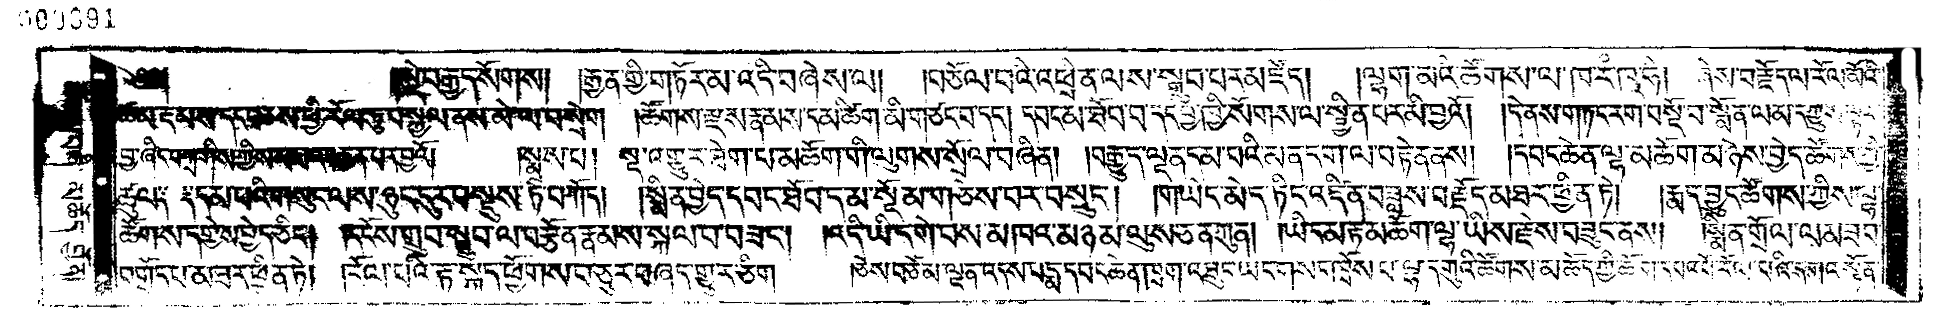༄༅། །སྡེ་བརྒྱད་སོགས། །རྒྱན་གྱི་གཏོར་མ་འདི་བཞེས་ལ། །བཅོལ་བའི་འཕྲིན་ལས་སྒྲུབ་པར་མཛོད། །ལྷག་མའི་ཚོགས་ལ་ཁ་རཾ་ཁཱ་ཧི། ཞེས་བརྗོད་ལ་རོལ་མོའི་
ཚ་མ་རྔམས་དང་བཅས་ཕྱི་རོལ་ཏུ་བསྐྱལ་ནས་མེ་ལ་བསྲེག །ཚོགས་རྫས་རྣམས་དམ་ཚིག་མི་གཙང་བ་དང་། དབང་མ་ཐོབ་པ་དང་བྱ་ཁྱི་སོགས་ལ་སྦྱིན་པར་མི་བྱའོ། །དེ་ནས་གཏང་རག་བསྔོ་བ་སྨོན་ལམ་དཀྱུས་ལྟར་
བྱ་ཞིང་བཀྲ་ཤིས་ཀྱིས་མཐའ་བརྒྱན་པར་བྱའོ། །སྨྲས་པ། སྔ་འགྱུར་ཐེག་པ་མཆོག་གི་ལུགས་སྲོལ་བཞིན། །བརྒྱུད་ལྡན་དམ་པའི་མན་ངག་ལ་བརྟེན་ནས། །དབང་ཆེན་ལྷ་མཆོག་མཉེས་བྱེད་ཚོགས་ཀྱི་
ཚུལ༑ ༑དམ་པའི་གསུང་ལས་ཉུང་དུར་བསྡུས་ཏེ་བཀོད། །སྨིན་བྱེད་དབང་ཐོབ་དམ་སྡོམ་གཅེས་པར་བསྲུང་། །གཡེང་མེད་ཏིང་འཛིན་བཟླས་བརྗོད་མཐར་ཕྱིན་ཏེ། །རྨད་བྱུང་ཚོགས་ཀྱིས་ལྷ་
ཚོགས་དགྱེས་བྱེད་ཅིང་། །དངོས་གྲུབ་སྒྲུབ་ལ་བརྩོན་རྣམས་སྐལ་བ་བཟང་། །འདི་ཡི་དགེ་བས་མཁའ་མཉམ་ལུས་ཅན་ཀུན། །ཡི་དམ་རྟ་མཆོག་ལྷ་ཡིས་རྗེས་བཟུང་ནས། །སྨིན་གྲོལ་ལམ་ཟབ་
བགྲོད་པ་མཐར་ཕྱིན་ཏེ། །རོལ་པའི་རྟ་སྐད་ཕྱོགས་བཅུར་བཞད་གྱུར་ཅིག །ཅེས་བཅོམ་ལྡན་འདས་པདམ་དབང་ཆེན་ཁྲག་འཐུང་ཡང་གསང་ཁྲོས་པ་ལྷ་དགུའི་ཚོགས་མཆོད་ཀྱི་ཆོ་ག་དཔའ་པོ་རོལ་བའི་དགའ་སྟོན་